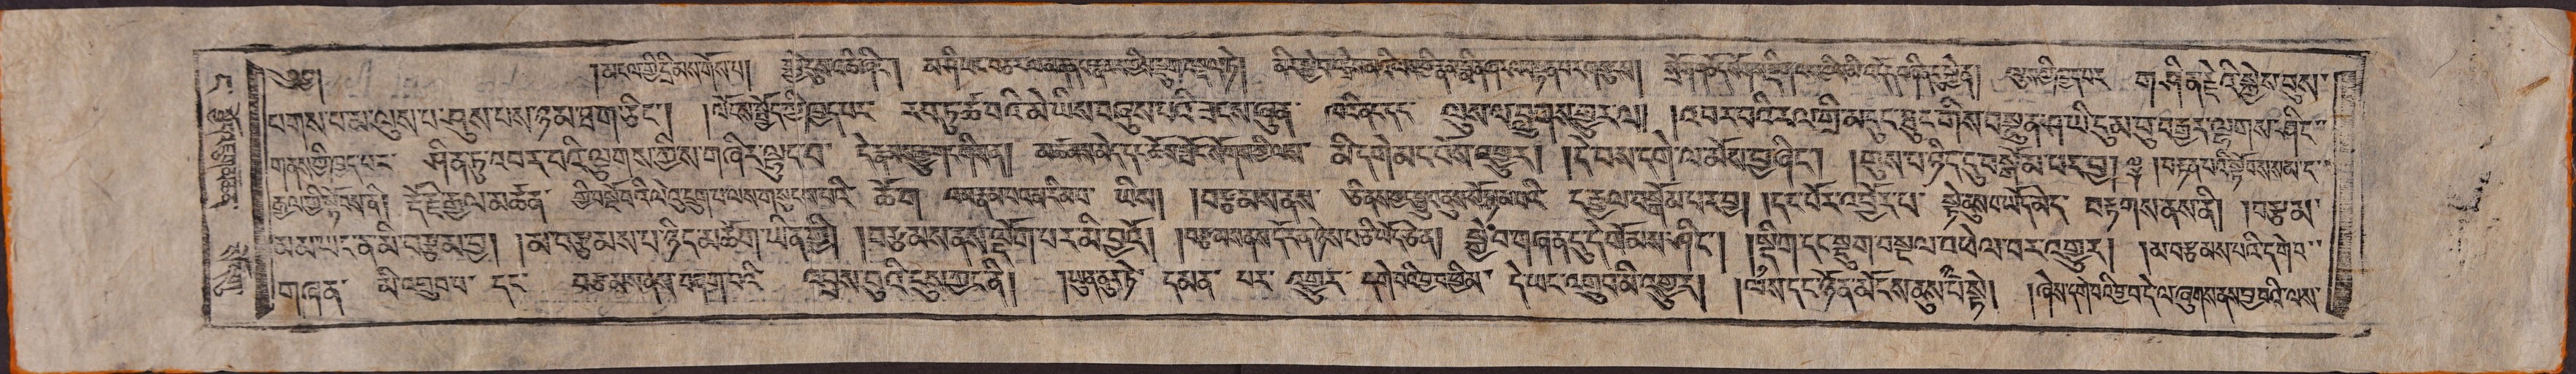༄༅། །མངལ་གྱི་དྲི་བས་གོས་པ། སྐྱེ་དུས་འཆི་ཞིང་། མ་ཤི་ཡང་བཅར་ལ་མནན་པ་རྣམས་ཀྱིས་སྡུག་བསྔལ་ཏེ། མིར་སྐྱེ་བ་འདྲེས་མཱ་ལས་ཀྱི་རྣམ་སྨིན་ཞར་ལ་བསྟན་པར་གསུངས། སྲེག་གཅོད་སོགས་སྡིག་ལས་ཀྱིས་མི་འདོད་བཞིན་དུ་སྐྱེན། ལུས་ཀྱི་ཁྱད་པར་གཤིན་རྗེའི་སྐྱེས་བུས་
པགས་པ་མ་ལུས་བཤུས་པས་ཉམ་ཐག་ཅིང་། །ལོངས་སྤྱོད་ཀྱི་ཁྱད་པར་རབ་ཏུ་ཚ་བའི་མེ་ཡིས་བཞུས་པའི་ཟངས་ཞུན་ཁའི་ནང་དང་ལུས་ལ་བླུགས་གྱུར་ལ། །འབར་བའི་རལ་གྲི་མདུང་ཐུང་གིས་བསྣུན་ཤ་ཡི་དུམ་བུ་བརྒྱར་ལྷགས་ཤིང།།
གནས་ཀྱི་ཁྱད་པར་ཤིན་ཏུ་འབར་བའི་ལྕགས་ཀྱིས་གཞིར་ལྷུང་བ་དེ་རྣམས་རྒྱུ་གང་གིས་ན། མཚམས་མེད་དང་ཆོས་སྤོང་སོགས་ཀྱི་ལས་མི་དགེ་མང་པོས་འགྱུར། །དེ་བས་དགེ་ལ་མོས་བྱ་ཞིང་། །གུས་པ་ཉིད་དུ་བསྒོམ་པར་བྱ། འ་།བརྟན་པའི་སྟོབས་སམ་སྔ་
རྒྱལ་ཀྱི་སྟོབས་ནི། རྡོ་རྗེ་རྒྱལ་མཚན་གྱི་བསྔོ་བའི་ལེའུ་དྲུག་པ་ལས་གསུངས་པའི་ཆོ་ག་འམ་རྣམས་པའམ་རིམ་པ་ཡིས། །བརྩམས་ནས་ཅི་ནས་ཀྱང་སྒྲུབ་ནུས་སོ་སྙམ་པའི་ང་རྒྱལ་བསྒོམ་པར་བྱ། །དང་པོར་འབྱོར་བ་སྟེ་ནུས་པ་ཡོད་མེད་བརྟགས་ནས་ནི། །བརྩམ་
མམ་ཡང་ན་མི་བརྩམ་བྱ། །མ་བརྩམས་པ་ཉིད་མཆོག་ཡིན་གྱི། །བརྩམས་ནས་ལྡོག་པར་མི་བྱའོ། །བརྩམས་ནས་དོར་ན་ཉེས་པ་ཅི་ཡོད་ཅེ་ན། སྐྱེ་བ་གཞན་དུ་དེ་གོམས་ཤིང་། །སྡིག་དང་སྡུག་བསྔལ་འཕེལ་བར་འགྱུར། །མ་བརྩམས་པའི་དགེ་བ་
གཞན་མི་འགྲུབ་པ་དང་བརྩམས་ནས་བཞག་པའི་འབྲས་བུའི་དུས་ཀྱང་ནི། །ཡུན་ནུར་ཏེ་དམན་པར་འགྱུར་དགེ་བའི་བྱ་བ་ཕྱི་མ་དེ་ཡང་འགྲུབ་མི་འགྱུར། །ལས་དང་ཉོན་མོངས་ནུས་པ་སྟེ། །ཞེས་དགེ་བའི་བྱ་བ་དེ་ལ་ཞུགས་ནས་བྱ་བའི་ལས་